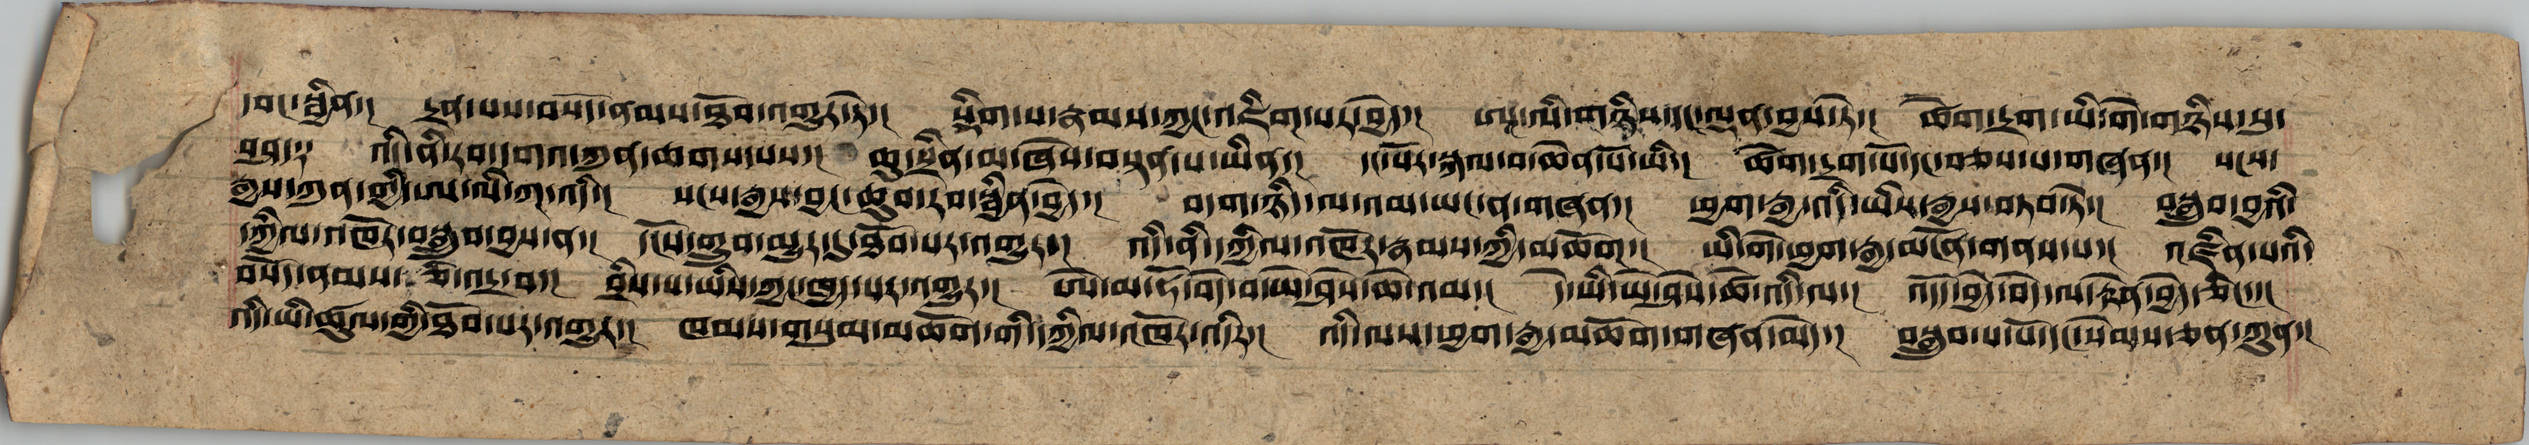དབང་སྦྱིན་། དྲན་པས་བསོད་ནམས་ཐོབ་འགྱུར་ཏེ་། སྡིག་པ་རྣམས་ཀྱང་འཇིག་པར་བྱེད་། ཨཱ་ལི་གཉིས་དང་ལྡན་བྱས་ཏེ་། ཚེག་དྲག་ཡི་གེ་གཉིས་སུ་
བཤད༑ འདི་ནི་རབ་དགའ་ཀུན་ཆགས་པས་། ཆུ་སྲིན་མ་ཞེས་བསྟན་པ་ཡིན་། དང་པོར་སྐལ་བ་ཆེན་པོ་ཡི་། ཚེག་དྲག་པོ་དང་བཅས་པ་གཞན་། སངས་
རྒྱས་ཀུན་གྱི་ཨ་ལི་ཀ་འདི་། སངས་རྒྱས་བྱང་ཆུབ་རབ་སྦྱིན་བྱེད་། བདག་ཉིད་ལ་འམ་ཡང་ན་གཞན་། ཕྱག་རྒྱ་འདི་ཡིས་རྒྱས་བཏབ་ཏེ་། བསྒྲུབ་བྱའི་
དཀྱིལ་འཁོར་བསྒྲུབ་བྱས་ན་། དངོས་གྲུབ་མྱུར་དུ་ཐོབ་པར་འགྱུར་། འདི་ནི་དཀྱིལ་འཁོར་རྣམས་ཀྱི་མཆོག་། ཡི་གེ་ཕྱག་རྒྱ་མངོན་གནས་པ་། འཛིན་པའི་
བསོད་ནམས་ཅི་འདྲ་བ་། བྲིས་པ་ཡིས་ཀྱང་ཁྱད་པར་འགྱུར་། ཨེ་མ་ཧོ་བདེ་བ་ཡེ་ཤེས་ཆེ་འམ་། དེ་ཡི་ཡེ་ཤེས་ཚེ་འདི་ལ་། འདོད་བྱེད་བདེ་ལ་རྟེན་བྱེད་ཅིང་་།
འདི་ཡི་ཚུལ་གྱི་ཐོབ་པར་འགྱུར་། ཁམས་གསུམ་མཆོག་གི་དཀྱིལ་འཁོར་འདིར་། འདི་ལས་ཕྱག་རྒྱ་མཆོག་གཞན་མེད་། བསྒྲུབ་པ་པོ་དང་སེམས་ཅན་ཀུན་།